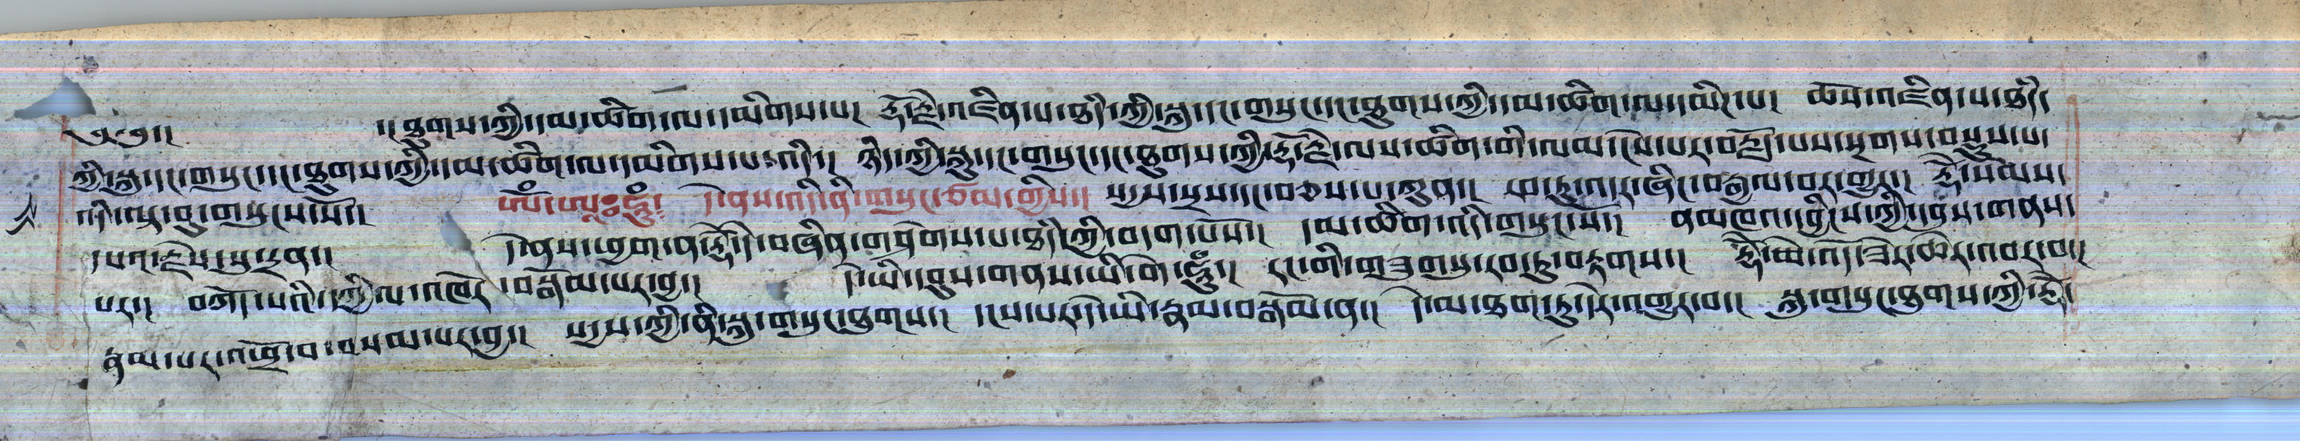༄༅་། ་།ཐུགས་ཀྱི་དམ་ཚིག་ལ་དམིགས་པ་། རྡོ་རྗེ་འཛིན་པ་ཐཾད་ཀྱི་སྐུ་དང་གསུང་དང་ཐུགས་ཀྱི་དམ་ཚིག་ལ་དམིཌ་པ། ཆོས་འཛིན་པ་ཐཾད་
ཀྱི་སྐུ་དང་གསུང་དང་ཐུགས་ཀྱི་དམ་ཚིག་ལ་དམིགས་པ་འདི་། ཉིད་ཀྱི་སྐུ་དང་གསུང་དང་ཐུགས་ཀྱི་རྡོ་རྗེ་ལས་ཚིག་གི་ལམ་ངེས་པར་བརྗོད་པས་སྔགས་བསྡུས་པ་
འདི་ལྟ་བུ་གསུངས་སོ་། ཨོཾ་ཨཱཿཧཱུཾ། དེ་ནས་འདི་ནི་གསུང་ཙམ་གྱིས་། སདྱས་སྲས་དང་བཅས་པ་ཀུན་། རབ་ཏུ་འདར་ཞིང་བརྒྱལ་བར་གྱུར་། རྡོེ་སེམས་
དཔའ་རྗེས་སུ་དྲན་། དེ་ནས་ཕྱག་ན་རྡོེ་དེ་བཞིན་གཤེགས་པ་ཐཾད་ཀྱི་བདག་པོས་། དམ་ཚིག་འདི་གསུང་སོ་། ནམཁའ་དབྱིངས་ཀྱི་དབུས་གནས་
པར་། བཀོད་པའི་དཀྱིལ་འཁོར་བསྒོམ་པར་བྱ་། དེ་ཡི་དབུས་གནས་ཡི་གེ་ཧཱུཾ་། རང་གི་གཟུགསུ་རབ་ཏུ་བརྟགས་། རྡོེ་ཡི་འོད་ཟེར་ཆེར་འབར་བ་།
རྣམ་པར་འཕྲོ་བ་བསམ་པར་བྱ་། སདྱས་ཀྱི་ནི་སྐུ་གསུང་ཐུགས་། དངས་པར་དེ་ཡི་རྣམ་བསྒོམ་ན་། དེ་མ་ཐག་ཏུ་དེར་འགྱུར་བ་། སྐུ་གསུང་ཐུགས་ཀྱི་རྡོེ་